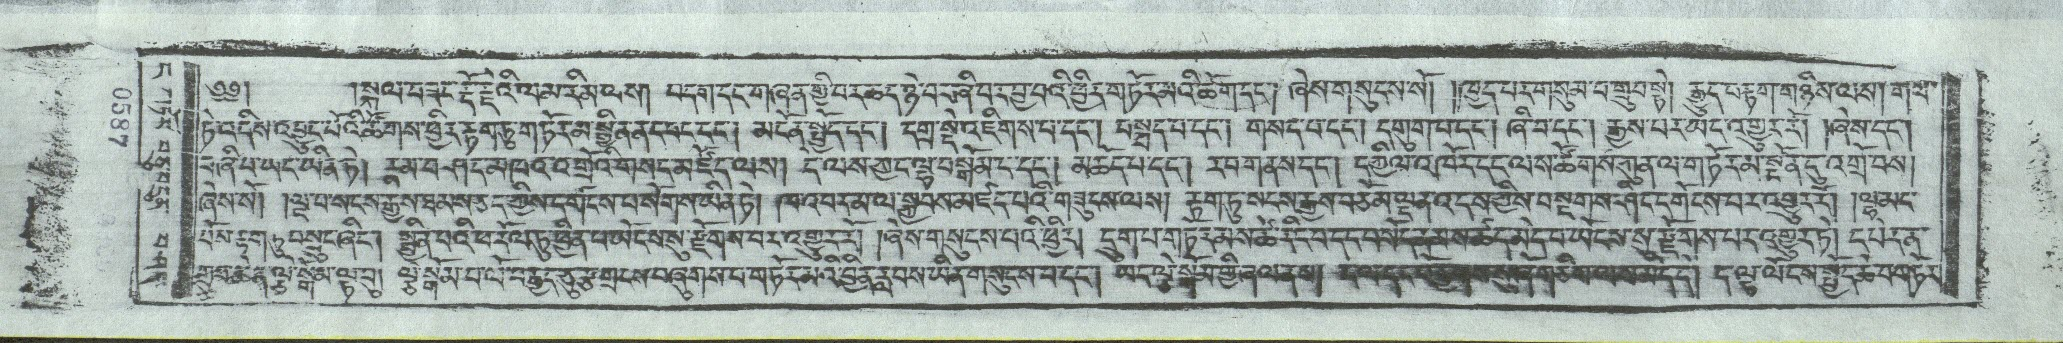༄༅། །སྐལ་བཟང་རྡོ་རྗེའི་ལམ་རིམ་ལས། བདག་དང་གཞན་གྱི་བར་ཆད་ཉེ་བར་ཞི་བར་བྱ་བའི་ཕྱིར་གཏོར་མའི་ཆོ་ག་དང་། ཞེས་གསུངས་སོ། །ཁྱད་པར་གསུམ་པ་གྲུབ་སྟེ། རྒྱུད་བརྟག་གཉིས་ལས། གལ་
ཏེ་འདིས་འབྱུང་པོའི་ཚོགས་ཕྱིར་རྟག་ཏུ་གཏོར་མ་སྦྱིན་ན་དབང་དང་། མངོན་སྤྱོད་དང་། དགྲ་སྡེ་འཇིགས་པ་དང་། བསྐྲད་པ་དང་། གསད་པ་དང་། དགུག་པ་དང་། ཞི་བ་དང་། རྒྱས་པར་ཡང་འགྱུར་རོ། །ཞེས་དང་།
བཞི་པ་ཡང་ཡིན་ཏེ། རྣམ་བཤད་མཁའ་འགྲོའི་གསང་མཛོད་ལས། དེ་ལས་ཀྱང་ལྷ་བསྒོམ་པ་དང་། མཆོད་པ་དང་། རབ་གནས་དང་། དཀྱིལ་འཁོར་དང་ལས་ཚོགས་ཀུན་ལ་གཏོར་མ་སྔོན་དུ་འགྲོ་བས།
ཞེས་སོ། །ལྔ་པ་སངས་རྒྱས་ཐམས་ཅད་ཀྱིས་དགོངས་པ་སོགས་ཡིན་ཏེ། ཁ་འ་བར་མ་ལ་སྐྱབས་མཛད་པའི་གཟུངས་ལས། རྟག་ཏུ་སངས་རྒྱས་བཅོམ་ལྡན་འདས་ཀྱིས་བསྔགས་ཤིང་དགོངས་པར་འགྱུར་རོ། །ལྷ་མང་
པོས་རྟག་ཏུ་བསྲུང་ཞིང་། སྦྱིན་པའི་ཕ་རོལ་ཏུ་ཕྱིན་པ་ཡོངས་སུ་རྫོགས་བར་འགྱུར་རོ། །ཞེས་གསུངས་པའི་ཕྱིར། དྲུག་པ་གཏོར་མས་ཚེ་རིང་པ་དང་བསོད་ནམས་ཚད་མེད་པ་ཡོངས་སུ་རྫོགས་པར་འགྱུར་ཏེ། དཔེར་ན་
གྲུབ་ཆེན་ལྕེ་སྒོམ་ལྟ་བུ། ལྕེ་སྒོམ་པ་ལོ་བརྒྱད་ཅུ་རྩ་གྲངས་བཞུགས་པ་གཏོར་མའི་བྱིན་རླབས་ཡིན་གསུངས་པ་དང་། ཡང་ལྕེ་སྒོམ་གྱི་ཞལ་ནས། ང་ལ་དང་པོ་རྒྱགས་སུ་ཞོ་གཅིག་ལས་མེད་དེ། ད་ལྟ་ལོངས་སྤྱོད་ཆེ་བ་གཏོར།